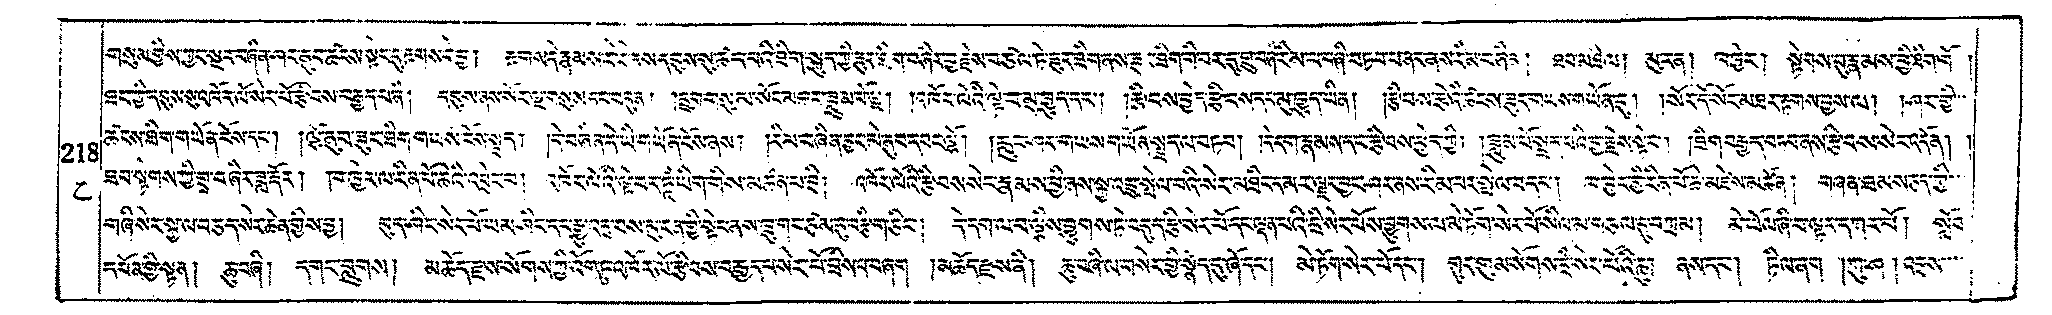གསུམ་གྱིས་ཀྱང་སྔར་བཞིན་ཤར་ནུབ་ཚངས་སྟེང་དུ་རྟགས་རེ་བྱ། རྟགས་དེ་རྣམས་རེ་རེ་ནས་དབུས་སུ་ཚད་པའི་ཐིག་སྐུད་ཀྱི་ཟུར་ཐིག་བཞིར་བྱ་རྗེས་བཙལ་ཏེ་ཟུར་ཐིག་ནས་ཟུར་ཐིག་གི་བར་དུ་གྲུ་བཞི་རིམ་པ་བཞི་བཏབ་པ་ནང་ནས་རིམ་བཞིན། ཐབ་མཐིལ། མུ་རན། ཁ་ཁྱེར། སྟེགས་བུ་རྣམས་ཕྱི་ཐིག་གོ་
ཐབ་ཀྱི་དབུས་སུ་འཁོར་ལོ་སེར་པོ་རྩིབས་བརྒྱད་པ་ནི། དབུས་ནས་སོར་ལྔ་གསུམ་དང་བདུན། །དྲུག་གསུམ་སོང་མཐར་ཟླུམ་པོ་ལྔ། །འཁོར་ལོའི་ལྟེ་བ་མུ་ཁྱུད་དང་། །རྩིབས་ཕྱེད་རྩིབས་དང་མུ་ཁྱུད་ཡིན། །རྩིབས་རྩེའི་ཚངས་ཟུར་གཡས་གཡོན་དུ། །སོར་དོ་སོང་མཐར་རྟགས་བྱས་ལ། །ཤར་གྱི་་་
ཚངས་ཐིག་གཡོན་ངོས་དང་། །ལྷོ་ནུབ་ཟུར་ཐིག་གཡས་ངོས་སྤྲད། །དེ་བཞིན་དེ་ཡི་གཡོན་ངོས་ནས། །རིམ་བཞིན་བྱང་མེ་ནུབ་དབང་ལྷོ། །རླུང་ཤར་གཡས་གཡོན་སྤྲད་ལ་བཏབ། །དེ་དག་རྣམས་དང་རྩིབས་ཕྱེད་ཀྱི། །ཟླུམ་པོ་སྤྲད་པའི་བྱ་རྗེས་སྟེང་། །ཐིག་བརྒྱད་བཏབ་ནས་རྩིབས་སེང་འདོན། །
ཐབ་སྟེགས་ཀྱི་གྲྭ་བཞིར་ཟླ་རྡོར། ཁ་ཁྱེར་ལ་རིན་པོ་ཆེའི་འཕྲེང་བ། འཁོར་ལོའི་ལྟེ་བར་ཏཱཾ་ཡིག་གིས་མཚན་པ་བྲི། འཁོར་ལོའི་རྩིབས་སེང་རྣམས་ཕྱི་ནས་སྐྱ་འབྲུ་སྤེལ་བའི་སེར་མཐིང་དམར་ལྗང་བྱང་ཤར་ནས་རིམ་པར་སྤེལ་བ་དང་། ཁ་ཁྱེར་གྱི་རིན་པོ་ཆེ་མཛེས་མཚོན། གཞན་ཐམས་ཅད་ཀྱི་་་
གཞི་སེར་སྐྱ་ལ་བཅད་སེར་ཆེན་གྱིས་བྱ། བུད་ཤིང་སེར་པོ་ཡམ་ཤིང་དང་རྒྱུ་འདྲ་བས་མུ་རང་གྱི་སྟེང་ནས་ཁྲུ་གང་ཙམ་དུ་བརྩིག་ཅིང་། དེ་དག་ལ་བ་ལྕིས་བྱུགས་ཏེ་བདུད་རྩི་སེར་པོ་དང་ལྡན་པའི་དྲི་སེར་པོས་བྱུགས་ལ་མེ་ཏོག་སེར་པོ་སིལ་མ་གཅལ་དུ་བཀྲམ། མེ་ཡོལ་ཞི་བ་ལྟར་དཀར་པོ། སློབ་
དཔོན་གྱི་སྟན། ཆུ་བཞི། དགང་བླུགས། མཆོད་རྫས་སོགས་ཀྱི་འོག་ཏུ་འཁོར་ལོ་རྩིབས་བརྒྱད་པ་སེར་པོ་བྲིས་པ་བཞག །མཆོད་རྫས་ནི། ཆུ་བཞི་ལ་གསེར་གྱི་སྣོད་དུ་ཞོ་དང་། མེ་ཏོག་གསེར་པོ་དང་། གུར་གུམ་སོགས་དྲི་སེར་པོའི་ཆུ། ནས་དང་། ཏིལ་ནག །ཀུ་ཤ་།འབྲས་་་